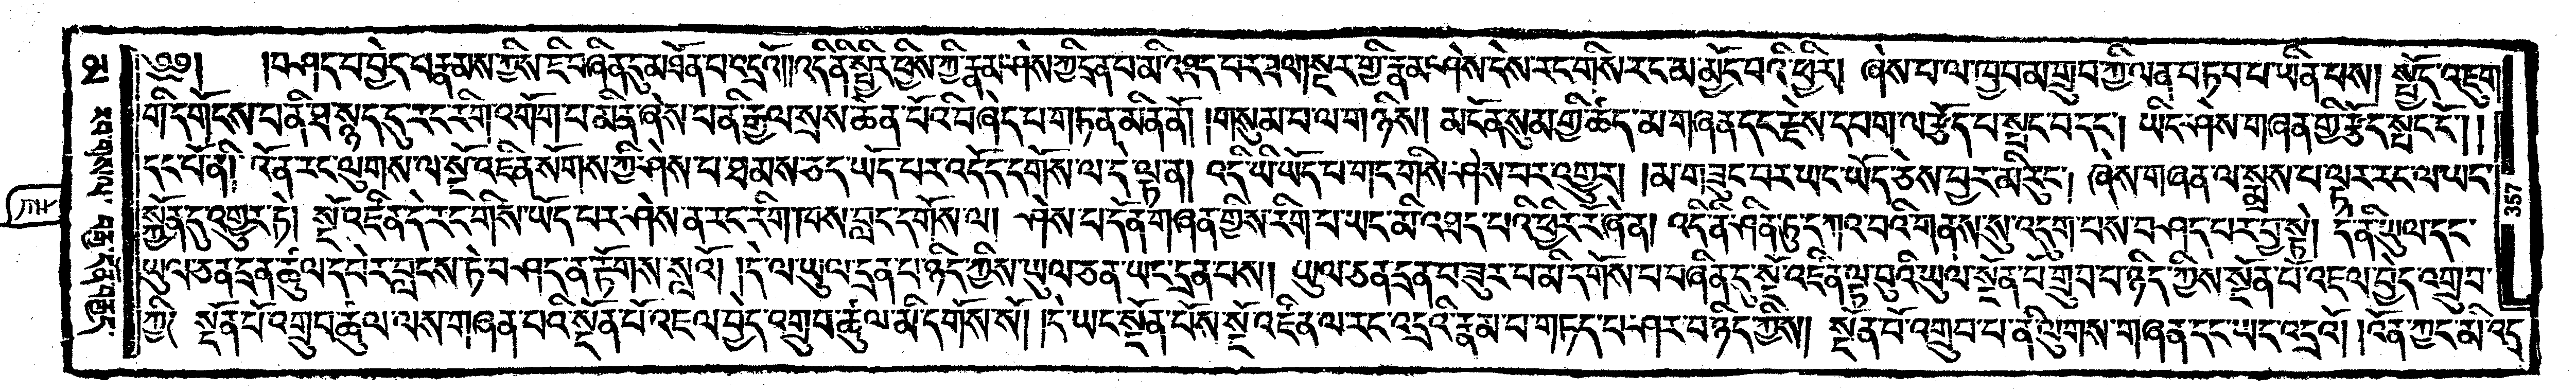༄༅། །བཤད་པ་བྱེད་པ་རྣམས་ཀྱིས་ཇི་བཞིན་དུ་མཐོན་པ་འདྲའོ། །འདི་ནི་སྤྱིར་ཕྱིས་ཀྱི་རྣམ་ཤེས་ཀྱི་དྲན་པ་མི་འཐད་པར་ཐལ། སྔར་གྱི་རྣམ་ཤེས་དེས་རང་གིས་རང་མ་མྱོང་བའི་ཕྱིར། ཞེས་པ་ལ་ཁྱབ་མ་གྲུབ་ཀྱི་ལན་བཏབ་པ་ཡིན་པས། སྤྱོད་འཇུག་
གི་དགོངས་པ་ནི་ཐ་སྙད་དུ་རང་རིག་འགོག་པ་མིན་ཞེས་པ་ནི་རྒྱལ་སྲས་ཆེན་པོའི་བཞེད་པ་གཏན་མིན་ནོ། །གསུམ་པ་ལ་གཉིས། མངོན་སུམ་གྱི་ཚད་མ་གཞན་དང་རྗེས་དཔག་ལ་རྩོད་པ་སྤང་བ་དང་། ཡིད་ཤེས་གཞན་གྱི་རྩོད་སྤང་ངོ།།
དང་པོ་ནི། འོ་ན་རང་ལུགས་ལ་སྔོ་འཛིན་སོགས་ཀྱི་ཤེས་པ་ཐམས་ཅད་ཡོད་པར་འདོད་དགོས་ལ་དེ་ལྟ་ན། འདི་ཡི་ཡོད་པ་གང་གིས་ཤེས་པར་འགྱུར། །མ་གཟུང་བར་ཡང་ཡོད་ཅེས་བྱར་མི་རུང་། ཞེས་གཞན་ལ་སྨྲས་པ་ལྟར་རང་ལ་ཡང་
སྐྱོན་དུ་འགྱུར་ཏེ། སྔོ་འཛིན་དེ་རང་གིས་ཡོད་པར་ཤེས་ན་རང་རིག་ཁས་བླང་དགོས་ལ། ཤེས་པ་དོན་གཞན་གྱིས་རིག་པ་ཡང་མི་འཐད་པའི་ཕྱིར་རོ་ཞེ་ན། འདི་ནི་ཤིན་ཏུ་དཀའ་བའི་གནས་སུ་འདུག་པས་བཤད་པར་བྱ་སྟེ། དེ་ནི་ཡུལ་དང་
ཡུལ་ཅན་དྲན་ཚུལ་དཔེར་བླངས་ཏེ་བཤད་ན་རྟོགས་སླའོ། །དེ་ལ་ཡུལ་དྲན་པ་ཉིད་ཀྱིས་ཡུལ་ཅན་ཡང་དྲན་པས། ཡུལ་ཅན་དྲན་པ་ཟུར་པ་མི་དགོས་པ་བཞིན་དུ་སྔོ་འཛིན་ལྟ་བུའི་ཡུལ་སྔོན་པོ་གྲུབ་པ་ཉིད་ཀྱིས་སྔོན་པོ་འཇལ་བྱེད་འགྲུབ་
ཀྱི། སྔོན་པོ་འགྲུབ་ཚུལ་ལས་གཞན་པའི་སྔོན་པོ་འཇལ་བྱེད་འགྲུབ་ཚུལ་མི་དགོས་སོ། །དེ་ཡང་སྔོན་པོས་སྔོ་འཛིན་ལ་རང་འདྲའི་རྣམ་པ་གཏད་པ་ཤར་བ་ཉིད་ཀྱིས། སྔོན་པོ་འགྲུབ་པ་ནི་ལུགས་གཞན་དང་ཡང་འདྲའོ། །འོན་ཀྱང་མི་འདྲ་